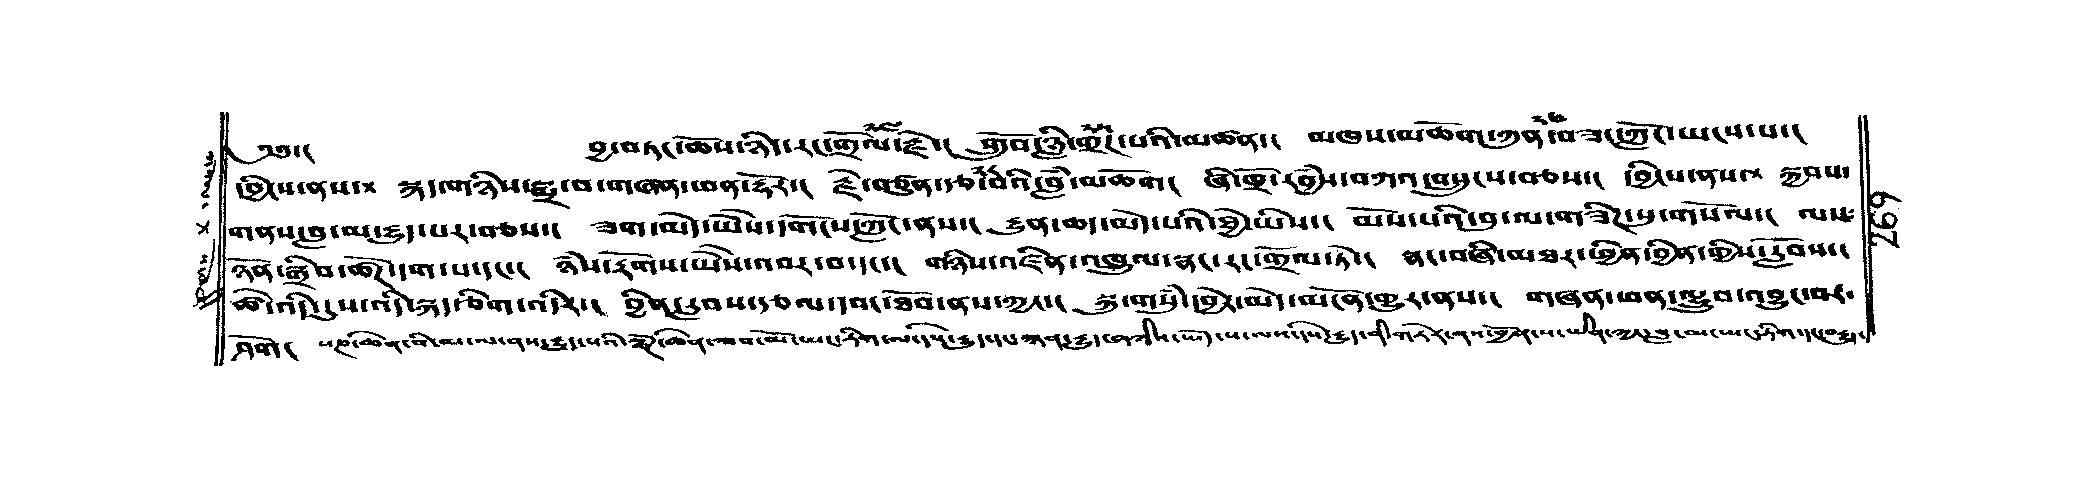།བྱ་བཏང་ཆོས་ཉིད་རང་གྲོལ་རྗེ། །གྲུབ་ཐོབ་ཉི་ཟླ་གྲགས་པའི་མཚན། །མཁས་མཆོག་ཀུན་བཟང་ཀློང་ཡངས་པ། །
དབྱིངས་ནས།༴ །སྐད་གཉིས་སྨྲ་བ་གཞན་ཕན་རྡོར། །རྗེ་བཙུན་རྩ་བའི་བླ་མ་མཆོག །ཞི་ཁྲོ་རབ་འབྱམས་བཀའ་སྲུང་བཅས། །དབྱིངས་ནས༴ །སྐྱབས་
གནས་བླ་མ་རྒྱུད་པར་བཅས། །ཟག་མེད་ཡེ་ཤེས་དགོངས་ཀློང་ནས། །རྒྱུན་ཆད་མེད་པའི་ཐུགས་རྗེ་ཡིས། །མོས་པའི་བུ་ལ་གཟིགས་སུ་གསོལ། །ལས་
ཉོན་སྒྲིབ་ཚོགས་དག་པ་དང་། །ཉམས་རྟོགས་ཡེ་ཤེས་འབར་བ་དང་། །གཉིས་འཛིན་འཁྲུལ་སྣང་རང་གྲོལ་ཏེ། །སྣང་བཞི་མཐར་ཕྱིན་བྱིན་གྱིས་རློབས། །
ཚེ་འདི་དུས་འདི་སྐད་ཅིག་འདིར། །བྱིན་རླབས་རྩལ་དབང་ཐོབ་ནས་ཀྱང་། །སྐུ་གསུམ་དབྱེར་མེད་མངོན་གྱུར་ནས། །གཞན་ཕན་ལྷུན་གྲུབ་འབྱུང་བར་
ཤོག པཎ་ཆེན་བི་མ་ལ་ནས་བརྒྱུད་པའི་རྫོགས་ཆེན་ཟབ་མོ་ཡང་ཏིག་ལ་དཔེ་རྒྱུད་དང་སྙན་རྒྱུད་གཉིས་ཡོད་པ་ལས་དཔེ་རྒྱུད་ནི་གཏེར་ནས་བྱོན་པ་ཡིན་ཀྱང་བླ་མ་ཡང་ཏིག་དང་བརྒྱུད་